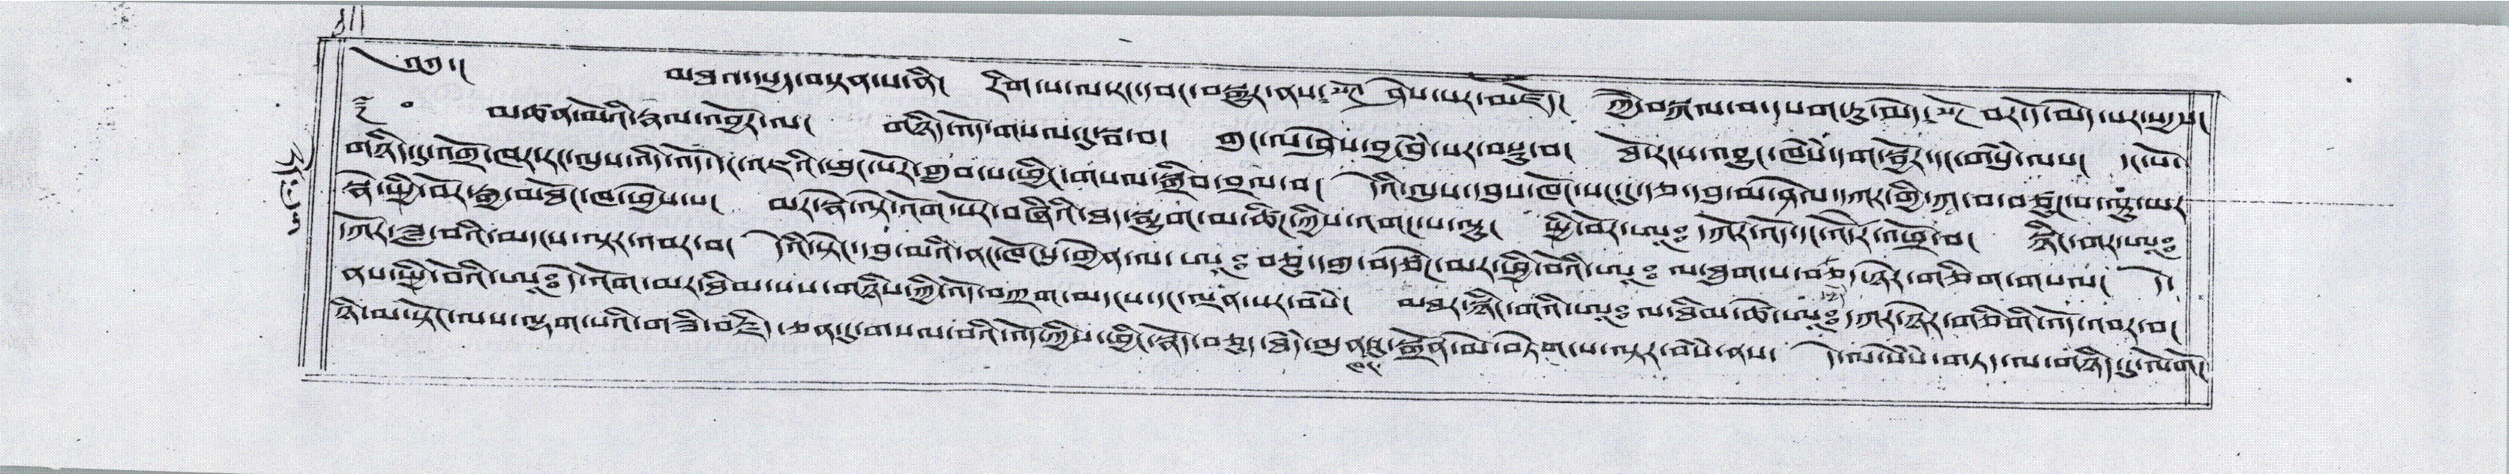མཐའ་དཔྱད་བསྟན་པ་ནི། རིག་པ་ལ་རང་དབང་བསྒྱུར་ནས་སོགས་ཤེས་པར་མཛོད། ཀྱཻ་བསྐལ་པ་དཔག་ཏུ་མེད་སོགས་བར་དོ་མེད་པར་སངས་རྒྱས། 
༑ མཚན་མོའི་རྣལ་འབྱོར་ལ། གཉིད་འོད་གསལ་དུ་སྦ་བ། གུང་ལ་ཤེས་བྱ་བུམ་པར་བསྡུ་བ། ཐོ་རངས་འབྱུང་ཁམས་དག་སྦྱོར་དང་གསུམ་ལས། དང་པོ་
གཉིད་དུ་འགོ་ཁར་རང་ལུས་འདི་འོད་དང་འཇའི་ཕུང་པོར་གྲུབ་པ་ཕྱི་ནང་གསལ་སྒྲིབ་བྲལ་བ། དེའི་ལུས་དབུས་ཁོང་སང་དུ་རྩ་དབུ་མ་ཤེལ་དཀར་གྱི་ཀ་བ་བཙུགས་པ་ལྟ་བུ་ཡར་
སྣེ་སྤྱི་བོར་རྒྱ་མཐོང་ཁ་ཕྱེས་པ། མར་སྣེ་ལྟེ་འོག་སོར་བཞིའི་ཐད་སྨྱུག་མ་ཚིགས་ཀྱིས་འགགས་པ་ལྟ་བུ། སྤྱི་བོར་ཨཱཿདཀར་པོ་འོད་དང་འོད་ཟེར་འཕྲོ་བ། སྙིང་གར་ཨཱཿ
དཀར་པོ་ཟླ་བའི་མདངས་ལྟར་འབར་བ། དེའི་སྟེང་དབུ་མའི་ནང་ཁོངས་སུ་གྱེན་ལ་ཨཱཿ བཅུ་དགུ་བརྩེགས་མར་སྤྱི་བོའི་ཨཱཿལ་ཐུག་པ་བཅད་ཉེར་གཅིག་གསལ། དེ་ནས་སྤྱི་བོའི་ཨཱཿ དེ་
འོག་མར་ཐིམ་པས་གཉིས་ཀྱི་འོད་བཀྲག་མདངས་དང་ལྡན་པར་བསམ། མཐར་སྙིང་གའི་ཨཱཿལ་ཐིམ་ཚེ་ཨཱཿདཀར་ཉེར་གཅིག་གི་འོད་འབར་བ་
ཉི་མ་སྟོང་ལས་ལྷག་པའི་གཟི་བརྗིད་ཅན་དུ་གསལ་བའི་འོད་ཀྱིས་ཕྱི་ནང་སྣོད་བཅུད་ཐམས་ཅད་མུན་ཁང་དུ་སྒྲོན་མེ་བཏེག་པ་ལྟར་བསམ་ནས། དེ་ལ་སེམས་གཏད་ལ་གཉིད་དུ་ལོག་གོ།